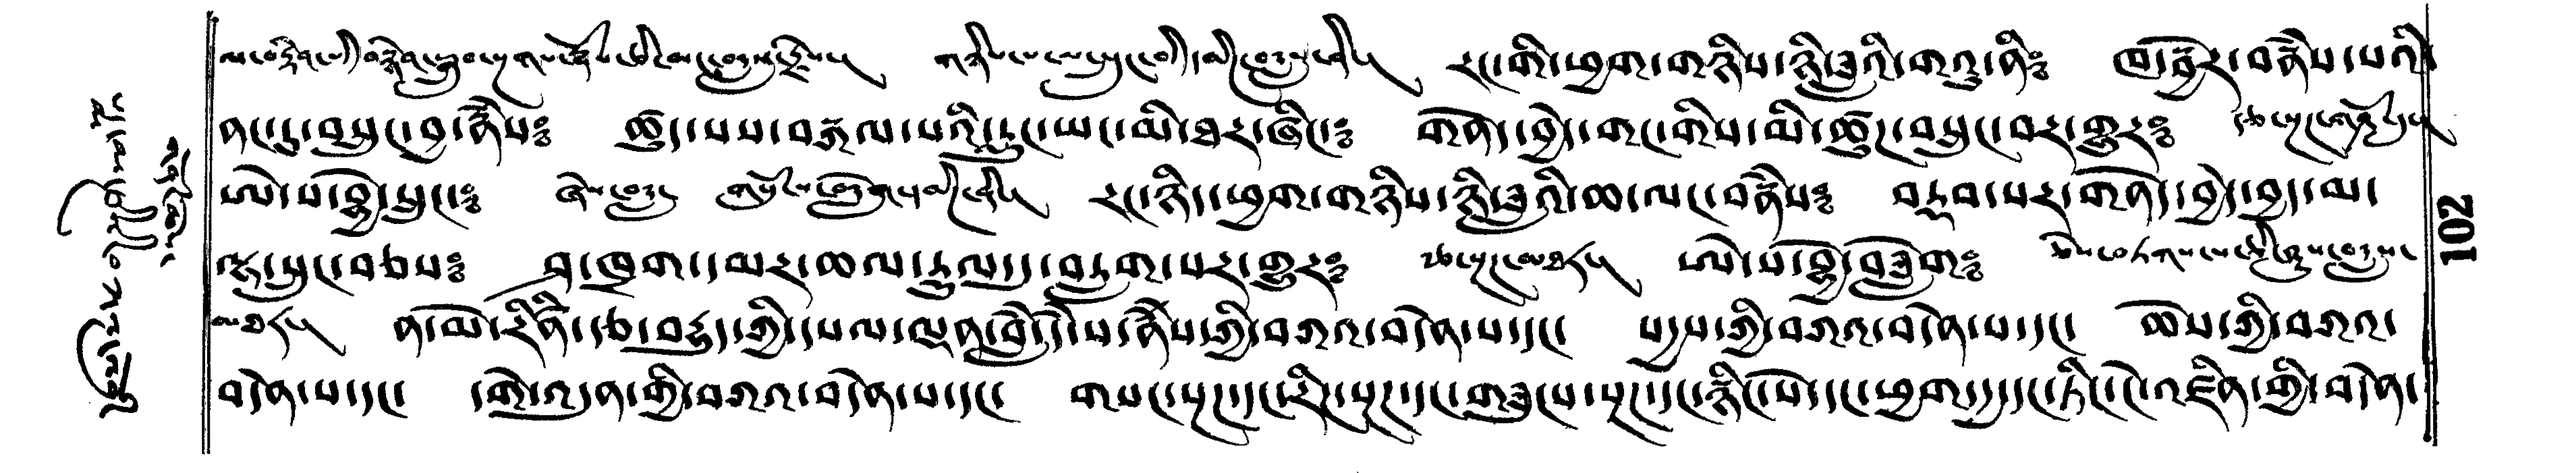ལ་བརྟེན་པའི་བསྙེན་སྒྲུབ་སྔགས་རྣམས་ཅི་མང་བཟླས་རྗེས། གཉིས་པ་ལ་སྲུང་བའི་དམིགས་བཟླས་ནི།རང་གི་ཕྱག་གཉིས་ཉི་ཟླའི་གའུ་ནི༔ ཁ་སྦྱོར་བསྣམས་པའི་
ནང་དུ་བསྲུང་བྱ་རྣམས༔ ཚུད་པས་བསྐལ་པའི་རླུང་ཡང་མི་ཐར་ཞིང༔ གནོད་བྱེད་གང་གིས་མི་ཚུགས་བསྲུང་བར་གྱུར༔ རྩ་སྔགས་གཤམ་དུ། 
ཨེ་ས་བྷྱོ་སྲུང༔ ཞེས་བཟླ། གསུམ་པ་བཟློག་དམིགས་ནི། རང་ཉིད་ཕྱག་གཉིས་ཉི་ཟླའི་ཆ་ལང་བསྣམས༔ བརྡབ་པས་གནོད་བྱེད་བྱད་མ་
ལྷ་སྲུང་བཅས༔ ཤ་ཁྲག་དམར་ཆལ་རྡུལ་དུ་བརླག་པར་གྱུར༔ རྩ་སྔགས་མཐར། ཨེ་ས་བྷྱོ་བཟློག༔ ཅེས་བཏགས་པ་ཅི་ནུས་བཟླས་
མཐར། ན་མོ། རིན་འཛིན་རྩ་བརྒྱུད་ཀྱི་དཔལ་ལྡན་བླ་མ་དམ་པ་རྣམས་ཀྱི་བཀའ་བདེན་པ་དང་། སངས་རྒྱས་ཀྱི་བཀའ་བདེན་པ་དང་། ཆོས་ཀྱི་བཀའ་
བདེན་པ་དང་། དགེ་འདུན་གྱི་བཀའ་བདེན་པ་དང་། གསང་སྔགས་དང་རིགས་སྔགས་དང་གཟུངས་སྔགས་དང་སྙིང་པོ་དང་ཕྱག་རྒྱ་དང་ཏིང་ངེ་འཛིན་གྱི་བདེན་